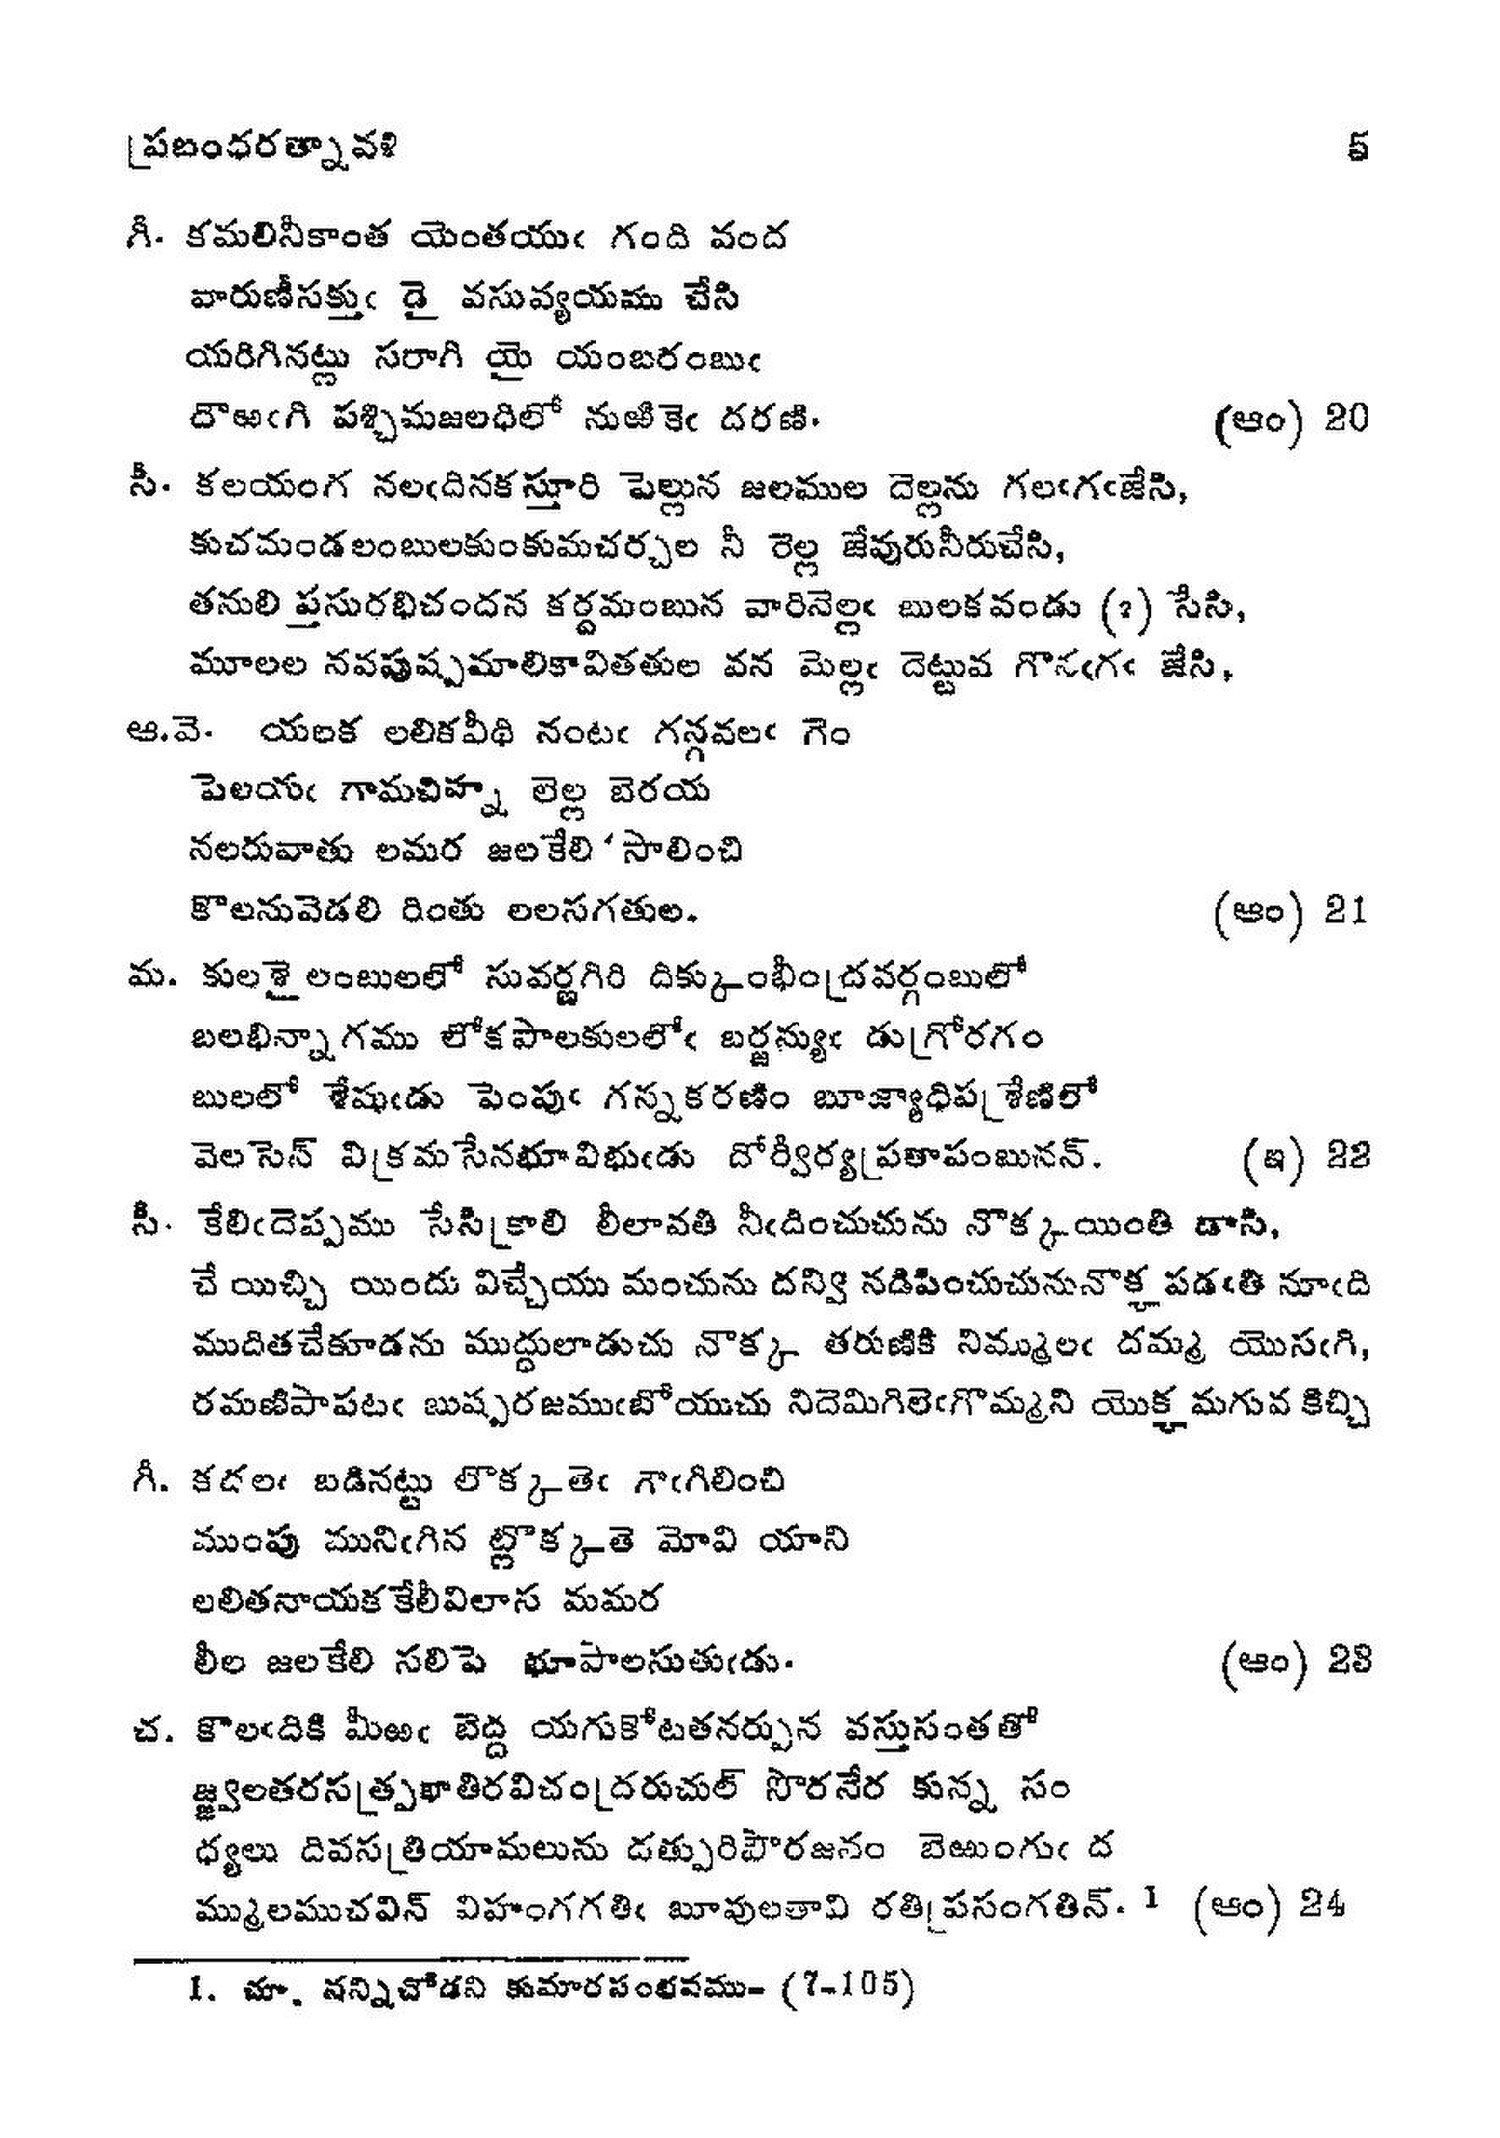తే. కమలినీకాంత యెంతయుఁ గంది వంద
వారుణీసక్తుఁడై వసువ్యయము చేసి
యరిగినట్లు సరాగియై యంబరంబుఁ
దొఱఁగి పశ్చిమజలధిలో నుఱికెఁ దరణి. (ఆం) 20

సీ. కలయంగ నలఁదిన కస్తూరి పెల్లున జలములదెల్లనుఁ గఁలఁగఁజేసి
కుచమండలముల కుంకుమ చర్చల నీరెల్ల జేవుఱు నీరు చేసి
తనులిప్త సురభిచందన కర్దమంబున వారినెల్లఁ బులకవండు[?] సేసి
మూలల నవపుష్పమాలికావితతుల వనమెల్లఁ దెట్టువఁ గొనఁగఁ జేసి
తే. యలక లలితవీధి నంటఁ గన్గవలఁ గెం
పెలయఁ గామచిహ్నలెల్ల బెలయ
నలరువాతు లమర జలకేలి సాలించి
కొలను వెడలి రింతు లలసగతుల. (ఆం) 21

మ. కులశైలంబులలో సువర్ణగిరి దిక్కుంభీంద్రవర్గంబులో
బలభిన్నాగము లోకపాలకులలోఁ బర్జన్యుఁ డుగ్రోరగం
బులలో శేషుఁడు పెంపుఁగన్నకరణిన్ బూజ్యాధిపశ్రేణిలో
వెలసెన్ విక్రమసేనభూవిభుఁడు దోర్వీర్యప్రతాపంబునన్. (ఇ) 22

సీ. కేలిఁ దెప్పము సేసి క్రాలి లీలావతి నీఁదించుచును నొక్క యింతి డాసి
చే యిచ్చి యిందు విచ్చేయుమంచును దన్వి నడిపించుచును నొక్కపడఁతి నూఁది
ముదిత చేకూడను ముద్దులాడుచు నొక్క తరుణికి నిమ్ములఁ దమ్మ యొసఁగి
రమణిపాపటఁ బుష్పరజముఁ బోయుచు నిదె మిగిలెఁ గొమ్మని యొక్క మగువ కిచ్చి
తే. కదలఁ బడినట్టు లొక్కతెఁ గౌఁగలించి
ముంపు మునిఁగినట్లొక్కతె మోవి యాని
లలితనాయక కేలీవిలాస మమర
లీల జలకేలి సలిపె భూపాలసుతుఁడు. (ఆం) 23

చ. కొలఁదికి మీఱఁ బెద్దయగు కోటతనర్పున వస్తుసంతతో
జ్జ్వలతరసత్ప్రభాతిరవిచంద్రరుచుల్ సొరనేరకున్న సం
ధ్యలు దివసత్రియామలును దత్పురిపౌరజనం బెఱుంగుఁ ద
మ్ములముచవిన్ విహంగగతిఁ బూవులతావి రతిప్రసంగతిన్. (ఆం) 24